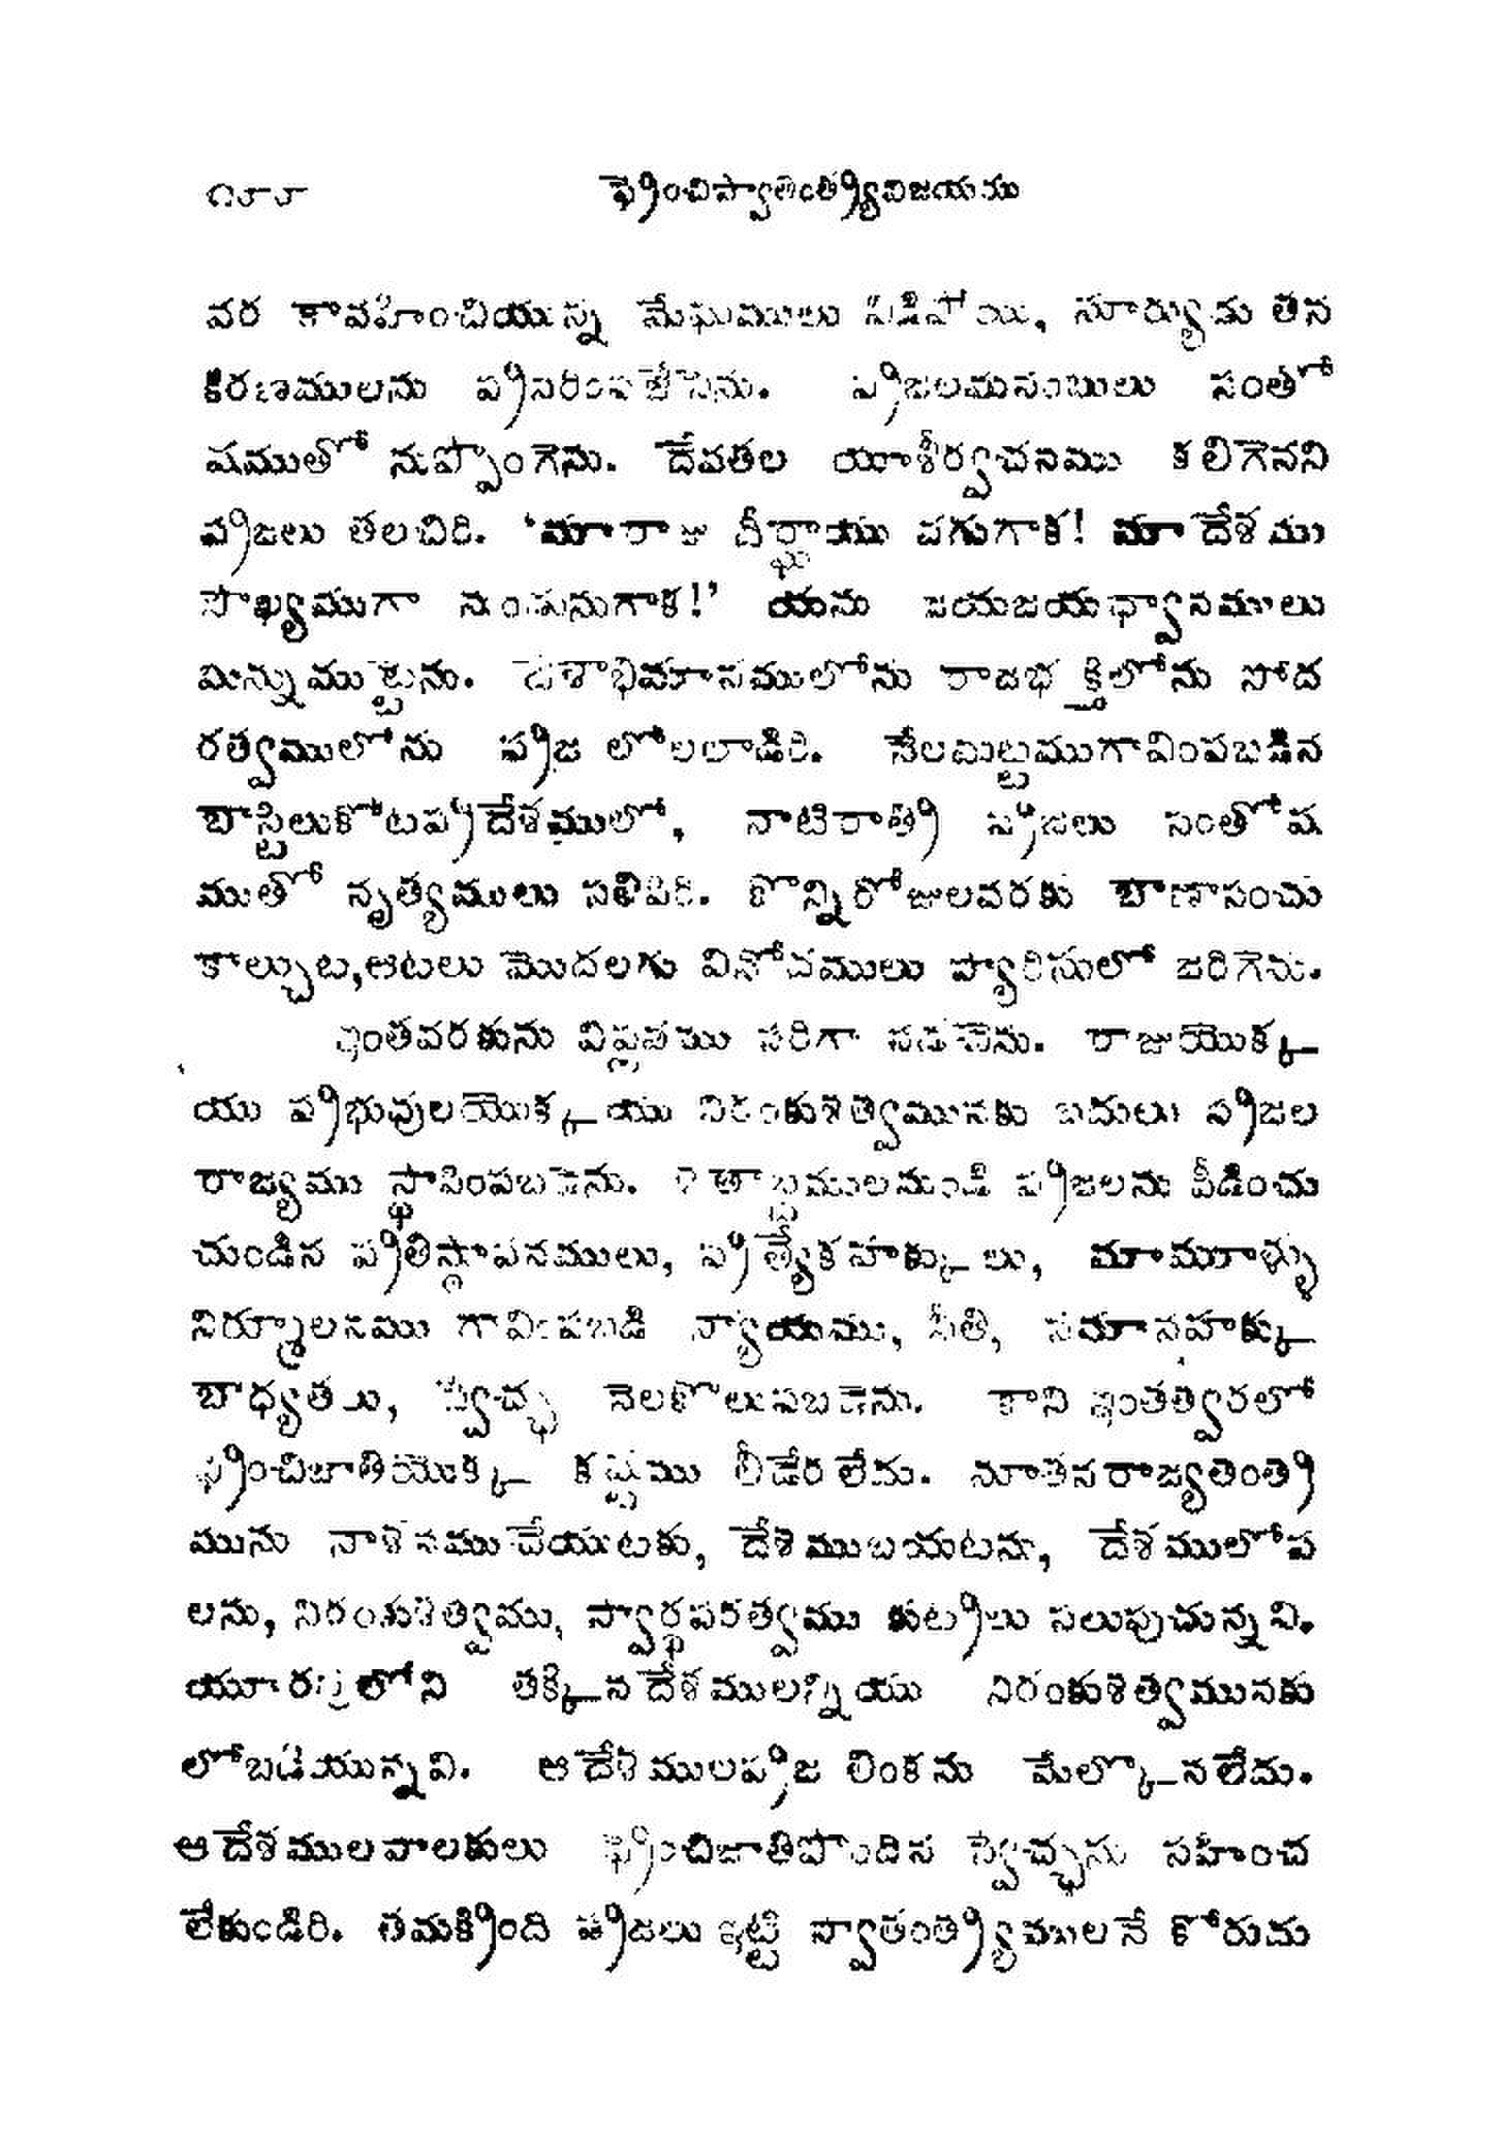వర కావహించియున్న మేఘములు విడి పోయి, సూర్యుడు తన
కిరణములను ప్రసరింప చేసిను. ప్రజల మసులు సంతోష
షముతో నుప్పొంగెను. "దేవతల యాశీర్వచనము కలిగెనని
ప్రజలు తలచిరి. 'మా రాజు దీర్ఘాయు పగుగాక! మాదేశము
సౌఖ్యముగా నుండునుగాక యను జయజయ ధ్వానములు
మిన్ను ముట్టెను. దేశాభిమానములోను రాజభక్తిలోను సోద
రత్వములోను ప్రజలో లలాడిరి..నేలమట్టముగావింపబడిన
బాస్టిలు కోట ప్రదేశములో, నాటి రాత్రి ప్రజలు సంతోషముతో
నృత్యములు సలిపిరి.. కొన్ని రోజులవరకు బాణాసంచు
కాల్చుట,ఆటలు మొదలగు వినోచదములు ప్యారీసులో జరిగెను.

ఇంతవరకును విప్లవము సరిగా నడచెను. రాజు యొక్క-
యు ప్రభువుల యొక్కయు నిరంకుశత్వము నకు బదులు: ప్రజల
రాజ్యము స్థాపింపబడెను, శతాబ్దములనుండి. ప్రజులను పీడించు
చుండిన ప్రతిస్థాపనములు, ప్రత్యేక హక్కులు, మామూళ్ళు
నిర్మూలనము గావింపబడి న్యాయము , నీతి, సమానహక్కు
బాధ్యతలు,స్వేచ్ఛ నెలకొలుపబడెను. కాని ఇంత త్వరలో
ఫ్రెంచిజాతి యొక్క కష్టము లీ డేర లేదు. నూతన రాజ్య తంత్ర
మును నాశనము చేయుటకు, దేశ ము బయటను, దేశములోపు
లను, సరంకుశత్వము, స్వార్థపరత్వము కుట్రలు సలుపుచున్నవి.
యూరప్ లోని తక్కిన దేశములన్నియు నిరంకుశత్వమునకు
లోబడియున్నవి. ఆ దేశ ముల ప్రజ లింకను మేల్కొస లేదు.
ఆ దేశముల పాలకులు ఫ్రెంచి జాతిపొందిన స్వేచ్ఛను సహించ
లేకుండిరి.తమక్రింది. ప్రజలు ఇట్టి స్వాతంత్యములనే కోరుచు